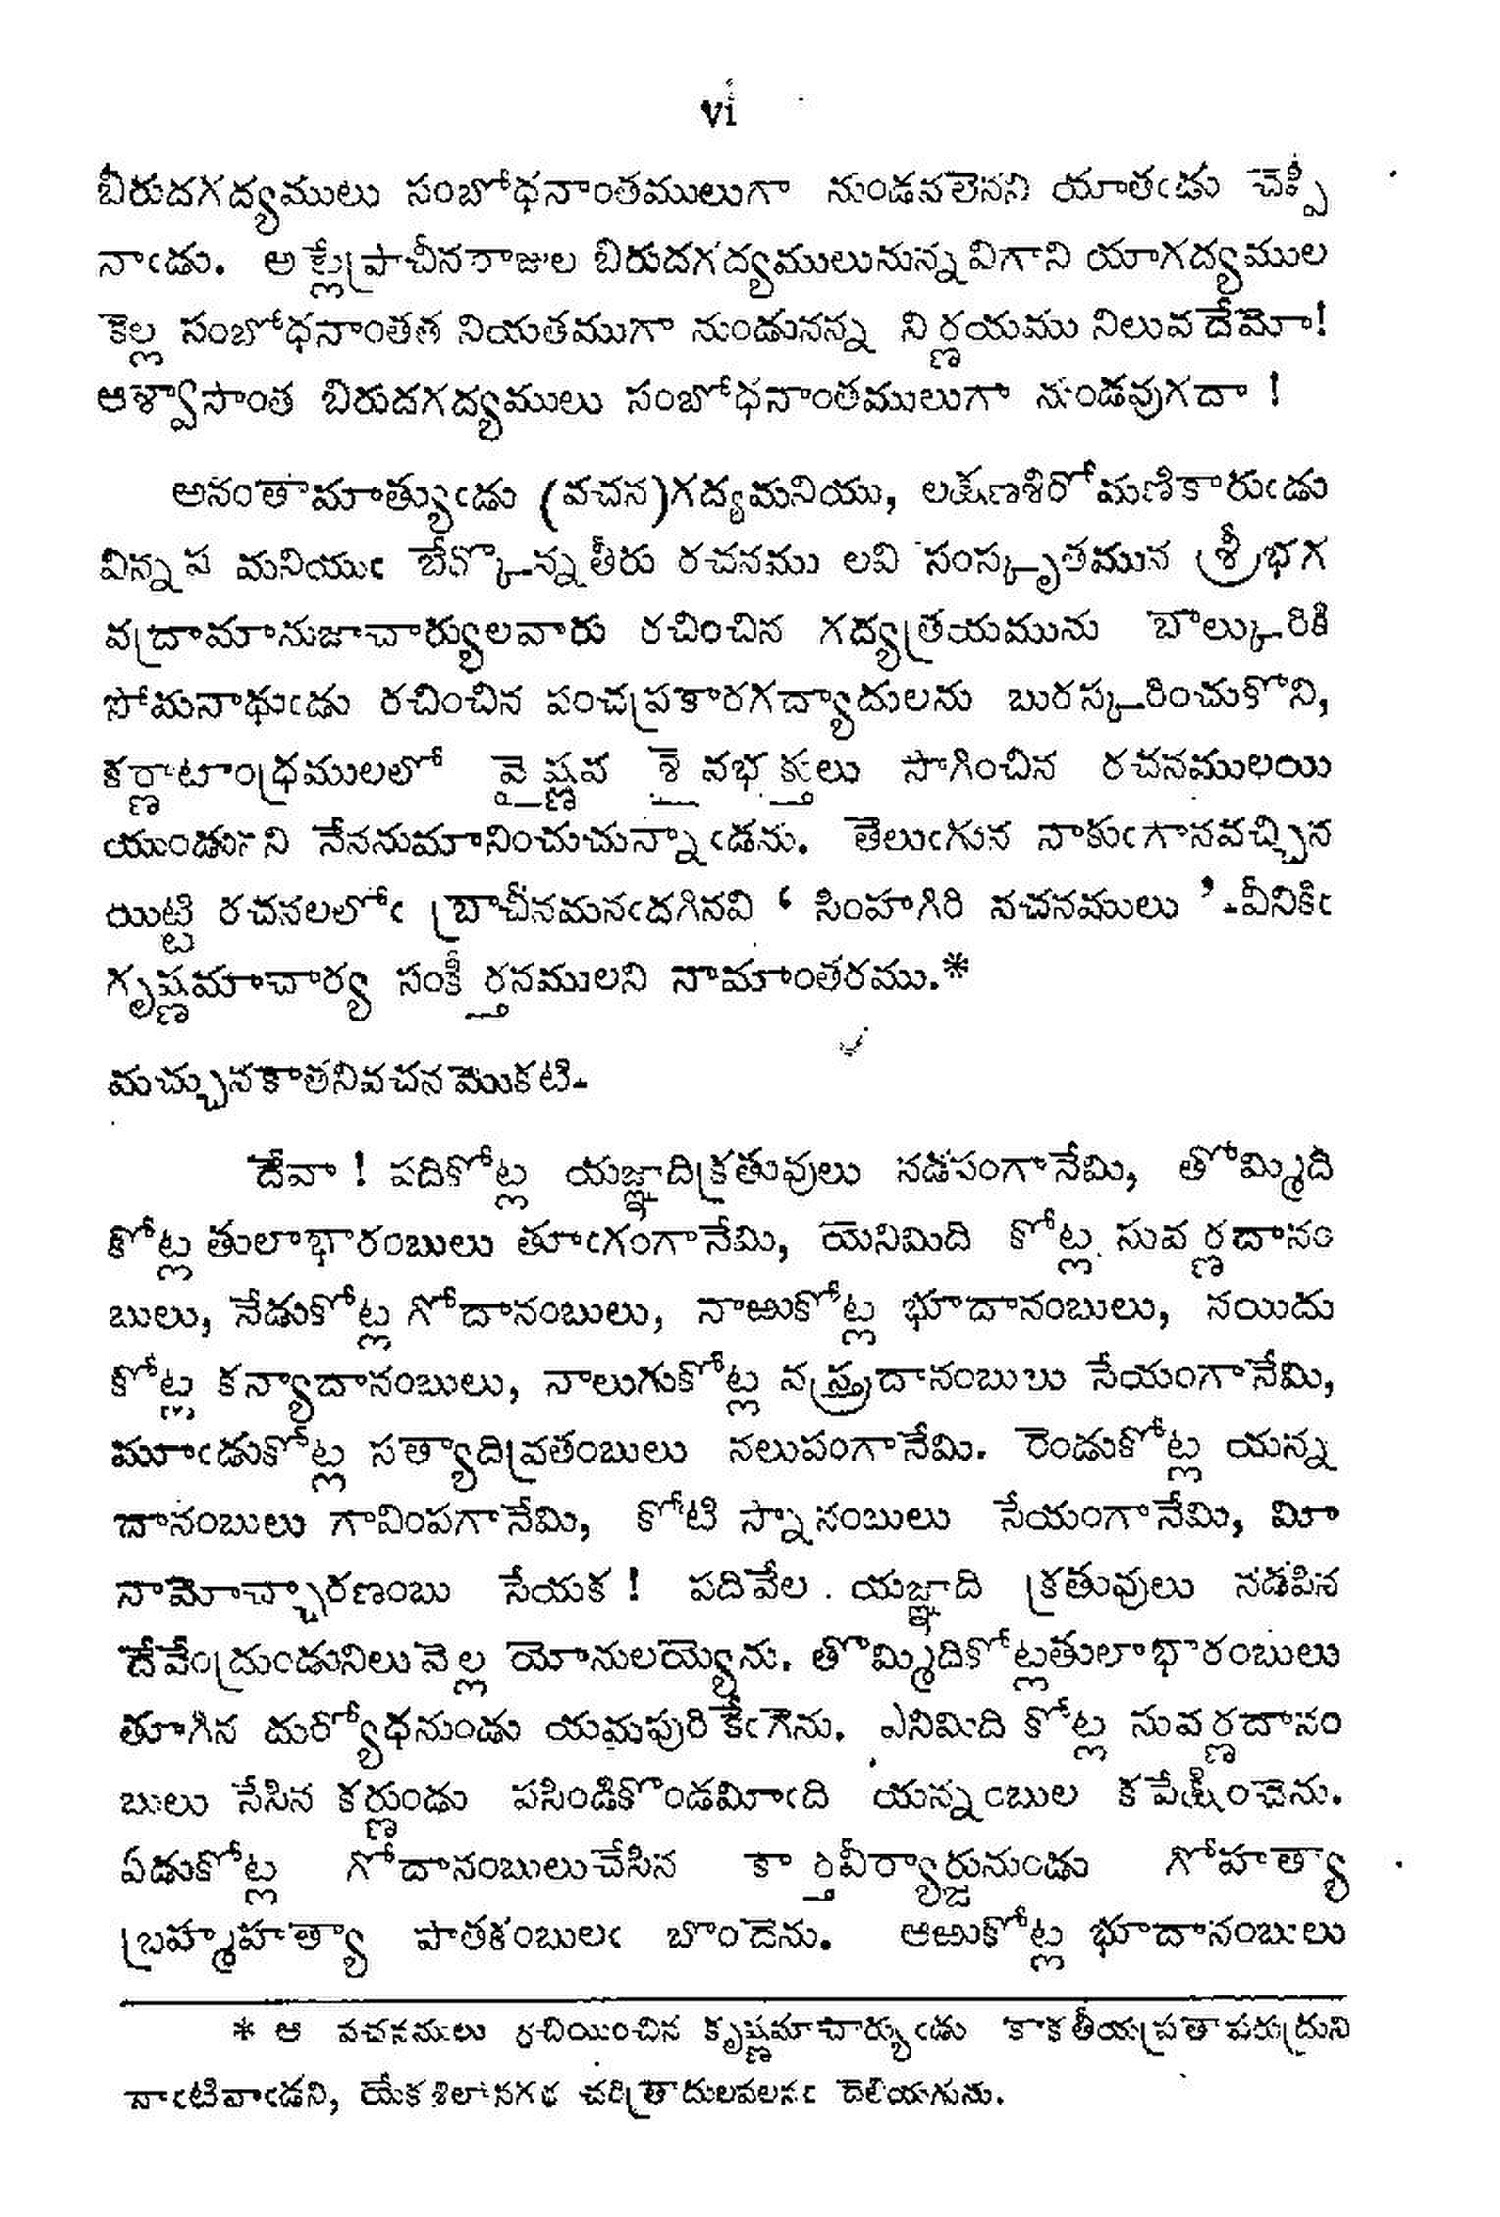బీరుదగద్యములు సంబోధనాంతములుగా నుండవలెనని యాతఁడు చెప్పీనాఁడు. అట్లేప్రాచీన రాజుల బిరుదగద్యములునున్న విగాని యాగద్యములకెల్ల సంబోధనాంతత నియతముగా నుండునన్న నిర్ణయము నిలువదేమో! ఆశ్వాసాంత బిరుదగద్యములు సంబోధనాంతములుగా నుండవుగదా !

అనంతామాత్యుఁడు (వచన)గద్యమనియు, లక్షణశిరోమణికారుఁడు విన్నప మనియుఁ బేర్కొన్నతీరు రచనము లవి సంస్కృతమున శ్రీభగవద్రామానుజాచార్యులవారు రచించిన గద్యత్రయమును బాల్కురికి సోమనాథుఁడు రచించిన పంచప్రకారగద్యాదులను బురస్కరించుకొని, కర్ణాటాంధ్రములలో వైష్ణవ శైవభక్తులు సాగించిన రచనములయి యుండునని నేననుమానించుచున్నాఁడను. తెలుఁగున నాకుఁగానవచ్చిన యిట్టి రచనలలోఁ బ్రాచీనమనఁదగినవి ' సింహగిరి వచనములు '.వీనికిఁ గృష్ణమాచార్య సంకీర్తనములని నామాంతరము.

మచ్చునకాతనివచనమొకటి.

దేవా ! పదికోట్ల యజ్ఞాదిక్రతువులు నడపంగానేమి, తొమ్మిది కోట్ల తులాభారంబులు తూఁగంగానేమి, యెనిమిది కోట్ల సువర్ణదానంబులు, నేడుకోట్ల గోదానంబులు, నాఱుకోట్ల భూదానంబులు, నయిదు కోట్ల కన్యాదానంబులు, నాలుగుకోట్ల వస్త్రదానంబులు సేయంగానేమి, మూఁడుకోట్ల సత్యాదివ్రతంబులు నలుపంగానేమి. రెండుకోట్ల యన్నదానంబులు గావింపగానేమి, కోటి స్నానంబులు సేయంగానేమి, మీ నామోచ్చారణంబు సేయక! పదివేల యజ్ఞాది క్రతువులు నడపిన దేవేంద్రుండునిలువల్ల యోనులయ్యెను. తొమ్మిదికోట్లతులాభారంబులు తూగిన దుర్యోధనుండు యమపురికేఁగెను. ఎనిమిది కోట్ల సువర్ణదానంబులు సేసిన కరుండు పసిండికొండమీఁది యన్నంబుల కపేక్షించెను. ఏడుకోట్ల గోదానంబులు చేసిన కార్తవీర్యార్జునుండు గోహత్యా బ్రహ్మహత్యా పాతకంబులఁ బొందెను. ఆఱుకోట్ల భూదానంబులు